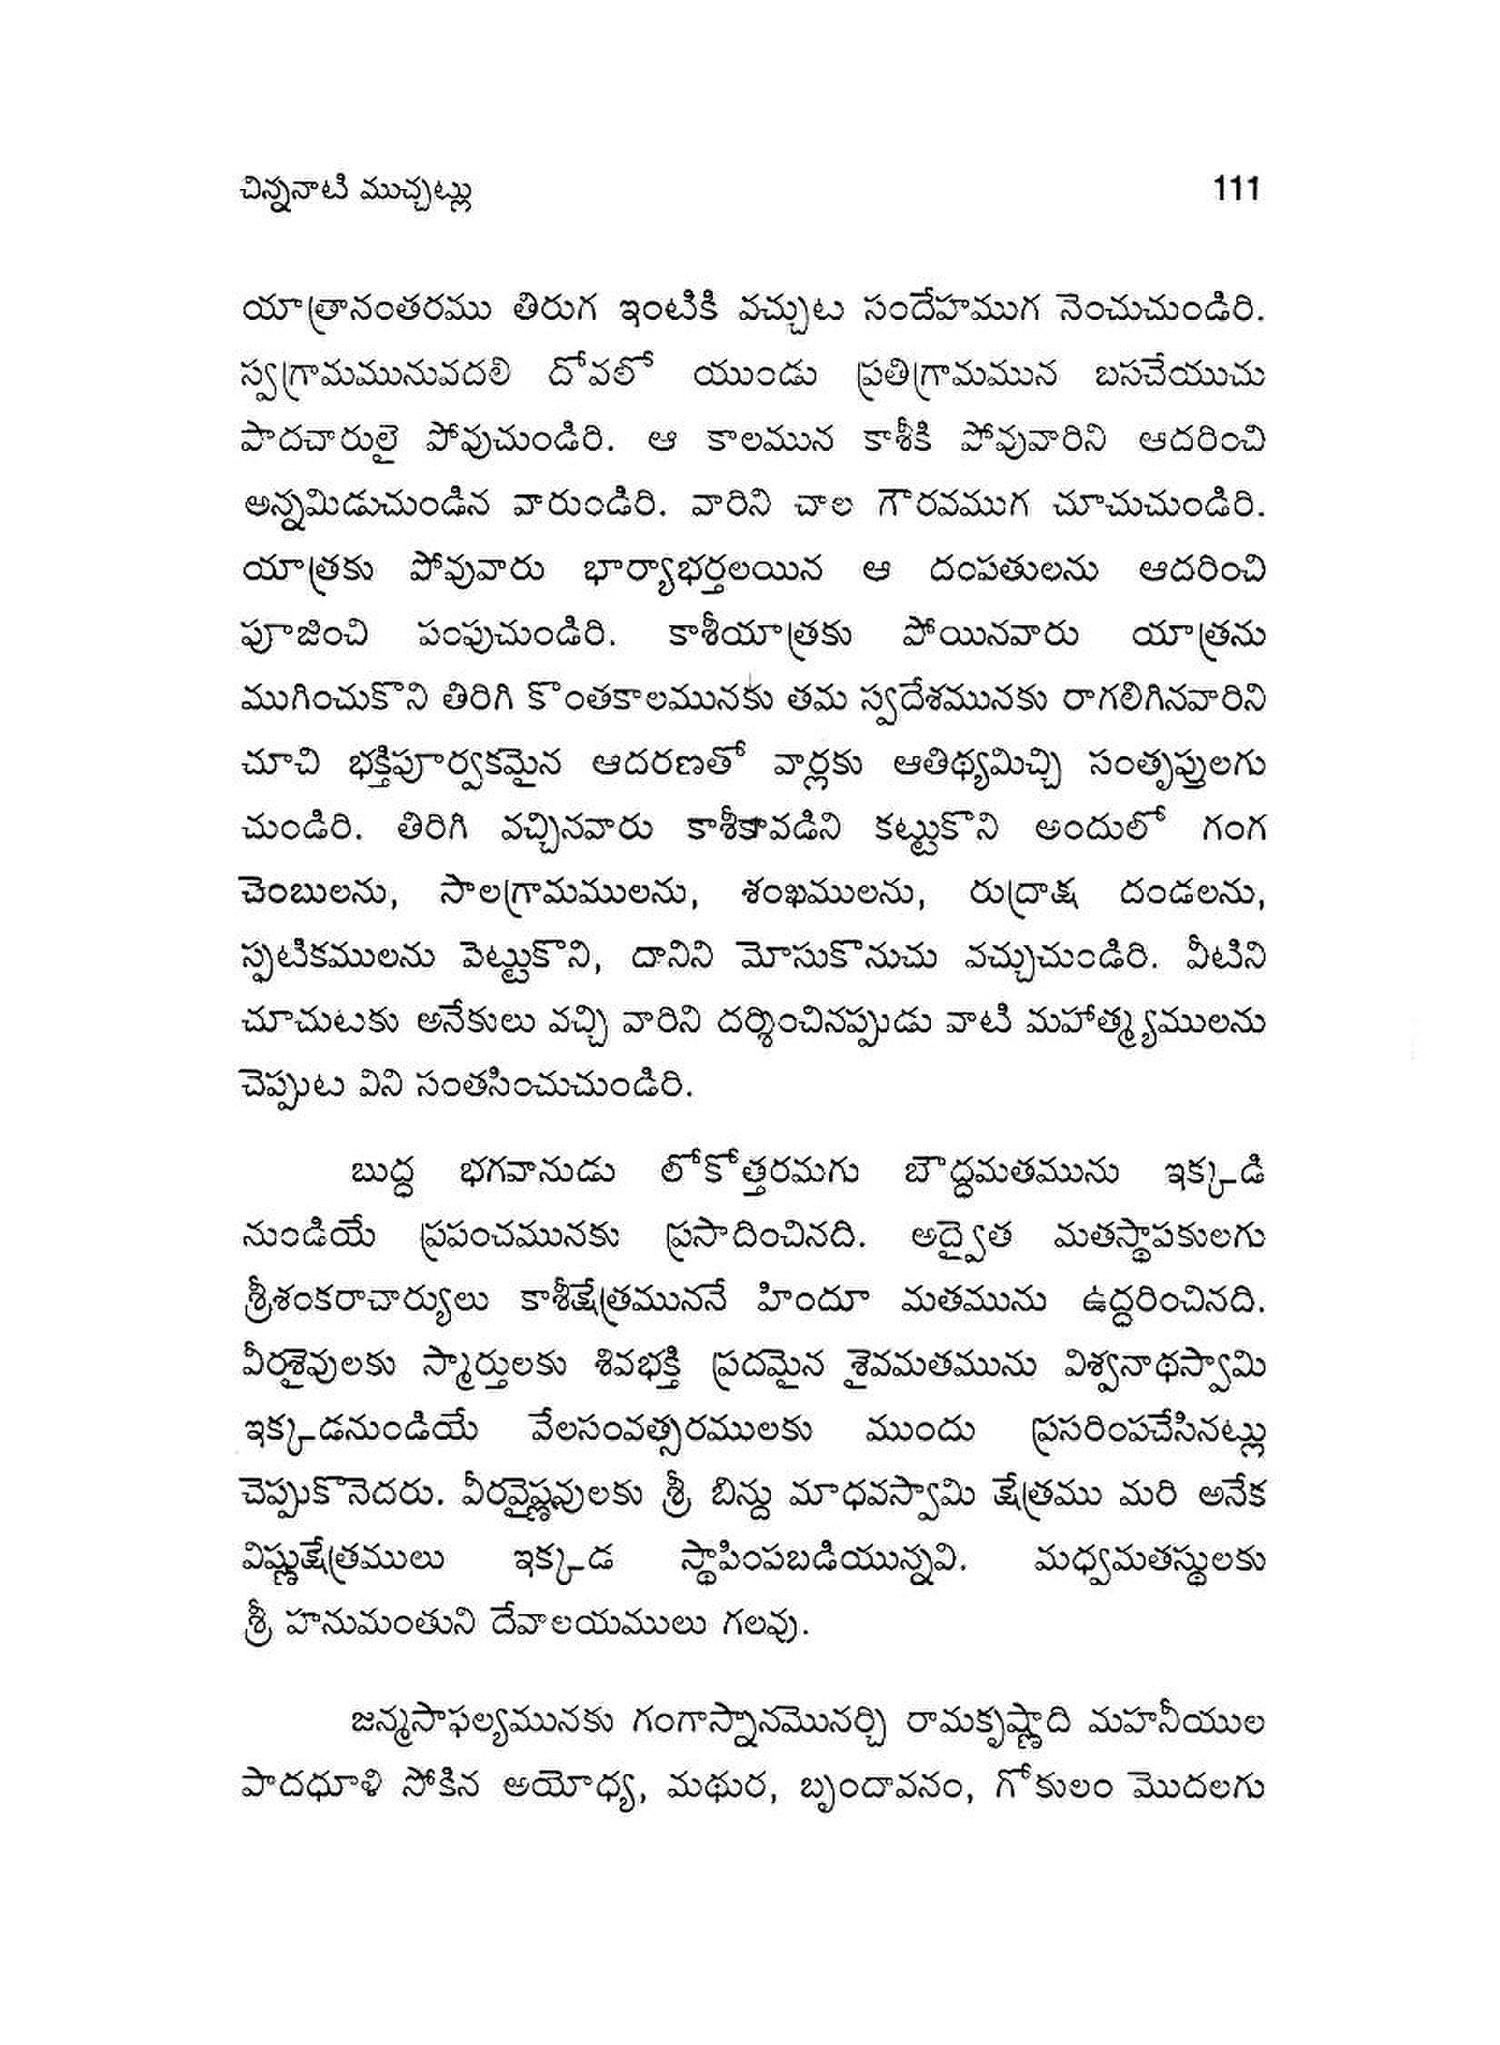యాత్రానంతరము తిరుగ ఇంటికి వచ్చుట సందేహముగ నెంచుచుండిరి. స్వగ్రామమునువదలి దోవలో యుండు ప్రతిగ్రామమున బసచేయుచు పాదచారులై పోవుచుండిరి. ఆ కాలమున కాశీకి పోవువారిని ఆదరించి అన్నమిడుచుండిన వారుండిరి. వారిని చాల గౌరవముగ చూచుచుండిరి. యాత్రకు పోవువారు భార్యాభర్తలయిన ఆ దంపతులను ఆదరించి పూజించి పంపుచుండిరి. కాశీయాత్రకు పోయినవారు యాత్రను ముగించుకొని తిరిగి కొంతకాలమునకు తమ స్వదేశమునకు రాగలిగినవారిని చూచి భక్తిపూర్వకమైన ఆదరణతో వార్లకు ఆతిథ్యమిచ్చి సంతృప్తులగు చుండిరి. తిరిగి వచ్చినవారు కాశీకావడిని కట్టుకొని అందులో గంగ చెంబులను, సాలగ్రామములను, శంఖములను, రుద్రాక్ష దండలను, స్ఫటికములను పెట్టుకొని, దానిని మోసుకొనుచు వచ్చుచుండిరి. వీటిని చూచుటకు అనేకులు వచ్చి వారిని దర్శించినప్పడు వాటి మహాత్మ్యములను చెప్పుట విని సంతసించుచుండిరి.

బుద్ధ భగవానుడు లోకోత్తరమగు బౌద్దమతమును ఇక్కడి నుండియే ప్రపంచమునకు ప్రసాదించినది. అద్వైత మతస్థాపకులగు శ్రీశంకరాచార్యులు కాశీక్షేత్రముననే హిందూ మతమును ఉద్దరించినది. వీరశైవులకు స్మార్తులకు శివభక్తి ప్రదమైన శైవమతమును విశ్వనాథస్వామి ఇక్కడనుండియే వేలసంవత్సరములకు ముందు ప్రసరింపచేసినట్లు చెప్పుకొనెదరు. వీరవైష్ణవులకు శ్రీ బిన్లు మాధవస్వామి క్షేత్రము మరి అనేక విష్ణుక్షేత్రములు ఇక్కడ స్థాపింపబడియున్నవి. మధ్వమతస్తులకు శ్రీ హనుమంతుని దేవాలయములు గలవు.

జన్మసాఫల్యమునకు గంగాస్నానమొనర్చి రామకృష్ణాది మహనీయుల పాదధూళి సోకిన అయోధ్య, మథుర, బృందావనం, గోకులం మొదలగు